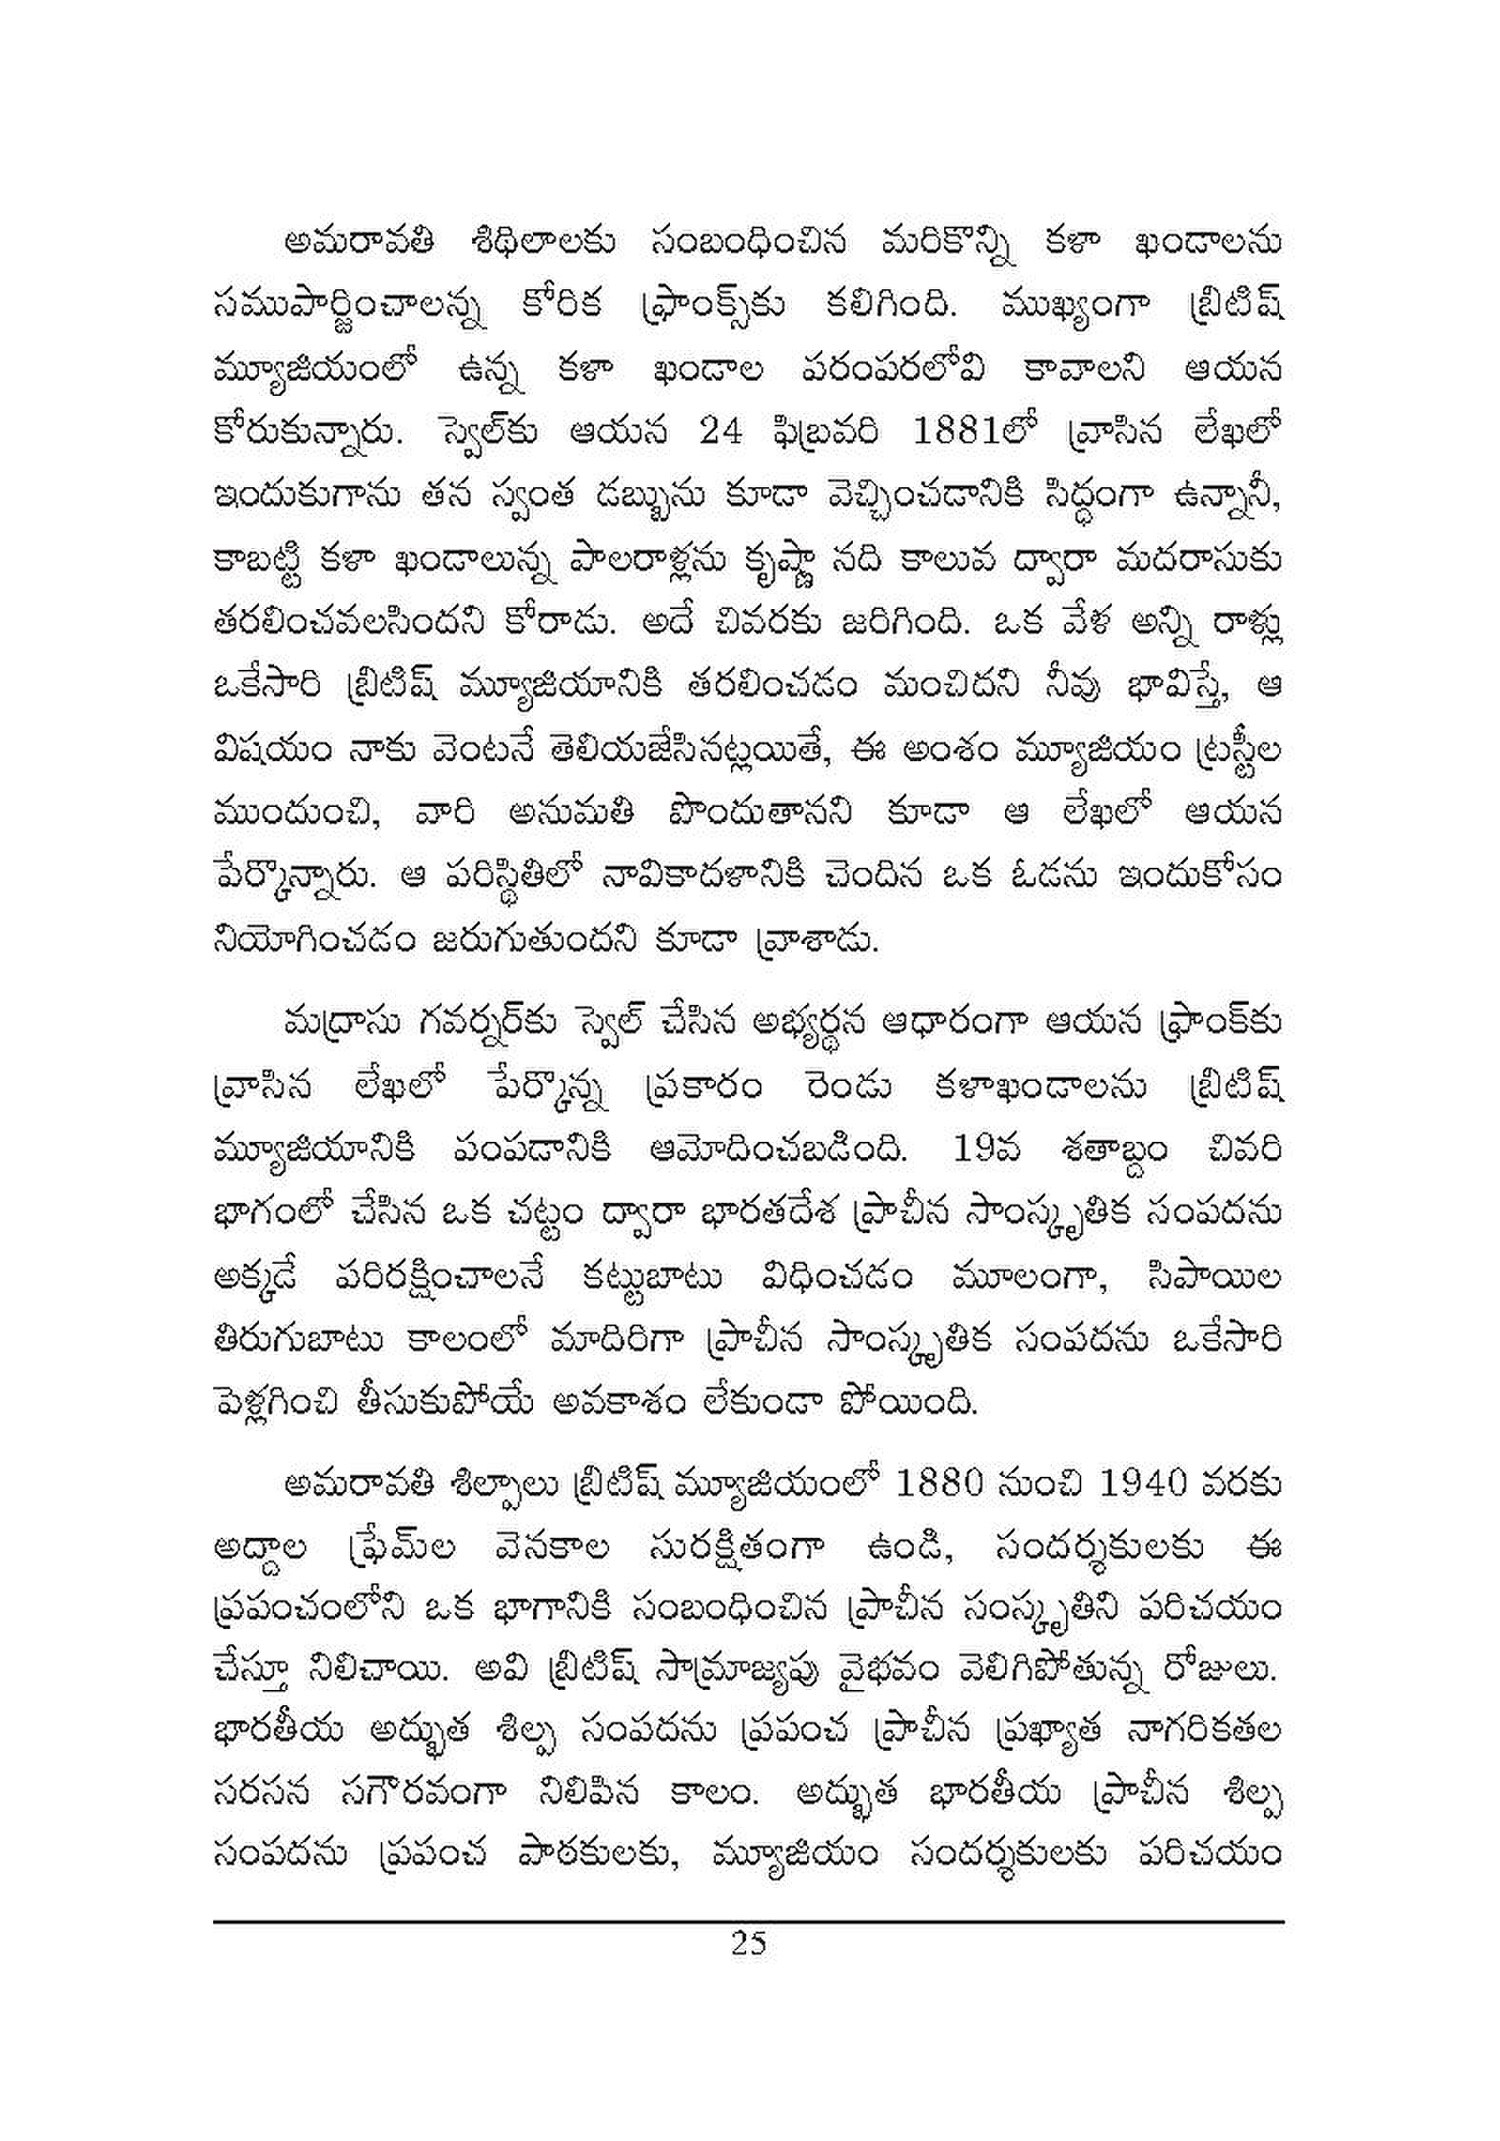అమరావతి శిథిలాలకు సంబంధించిన మరికొన్ని కళా ఖండాలను సముపార్జించాలన్న కోరిక ఫ్రాంక్స్‌కు కలిగింది. ముఖ్యంగా బ్రిటిష్ మ్యూజియంలో ఉన్న కళా ఖండాల పరంపరలోవి కావాలని ఆయన కోరుకున్నారు. స్వెల్ కు ఆయన 24 ఫిబ్రవరి 1881లో వ్రాసిన లేఖలో ఇందుకుగాను తన స్వంత డబ్బును కూడా వెచ్చించడానికి సిద్ధంగా ఉన్నానీ, కాబట్టి కళా ఖండాలున్న పాలరాళ్లను కృష్ణా నది కాలువ ద్వారా మదరాసుకు తరలించవలసిందని కోరాడు. అదే చివరకు జరిగింది. ఒక వేళ అన్ని రాళ్లు ఒకేసారి బ్రిటిష్ మ్యూజియానికి తరలించడం మంచిదని నీవు భావిస్తే, ఆ విషయం నాకు వెంటనే తెలియజేసినట్లయితే, ఈ అంశం మ్యూజియం ట్రస్టీల ముందుంచి, వారి అనుమతి పొందుతానని కూడా ఆ లేఖలో ఆయన పేర్కొన్నారు. ఆ పరిస్థితిలో నావికాదళానికి చెందిన ఒక ఓడను ఇందుకోసం నియోగించడం జరుగుతుందని కూడా వ్రాశాడు.

మద్రాసు గవర్నర్‌కు స్వెల్ చేసిన అభ్యర్ధన ఆధారంగా ఆయన ప్రాంక్‌కు వ్రాసిన లేఖలో పేర్కొన్న ప్రకారం రెండు కళాఖండాలను బ్రిటిష్ మ్యూజియానికి పంపడానికి ఆమోదించబడింది. 19వ శతాబ్దం చివరి భాగంలో చేసిన ఒక చట్టం ద్వారా భారతదేశ ప్రాచీన సాంస్కృతిక సంపదను అక్కడే పరిరక్షించాలనే కట్టుబాటు విధించడం మూలంగా, సిపాయిల తిరుగుబాటు కాలంలో మాదిరిగా ప్రాచీన సాంస్కృతిక సంపదను ఒకేసారి పెళ్లగించి తీసుకుపోయే అవకాశం లేకుండా పోయింది.

అమరావతి శిల్పాలు బ్రిటిష్ మ్యూజియంలో 1880 నుంచి 1940 వరకు అద్దాల ప్రేమ్ల వెనకాల సురక్షితంగా ఉండి, సందర్శకులకు ఈ ప్రపంచంలోని ఒక భాగానికి సంబంధించిన ప్రాచీన సంస్కృతిని పరిచయం చేస్తూ నిలిచాయి. అవి బ్రిటిష్ సామ్రాజ్యపు వైభవం వెలిగిపోతున్న రోజులు. భారతీయ అద్భుత శిల్ప సంపదను ప్రపంచ ప్రాచీన ప్రఖ్యాత నాగరికతల సరసన సగౌరవంగా నిలిపిన కాలం. అద్భుత భారతీయ ప్రాచీన శిల్ప సంపదను ప్రపంచ పాఠకులకు, మ్యూజియం సందర్శకులకు పరిచయం